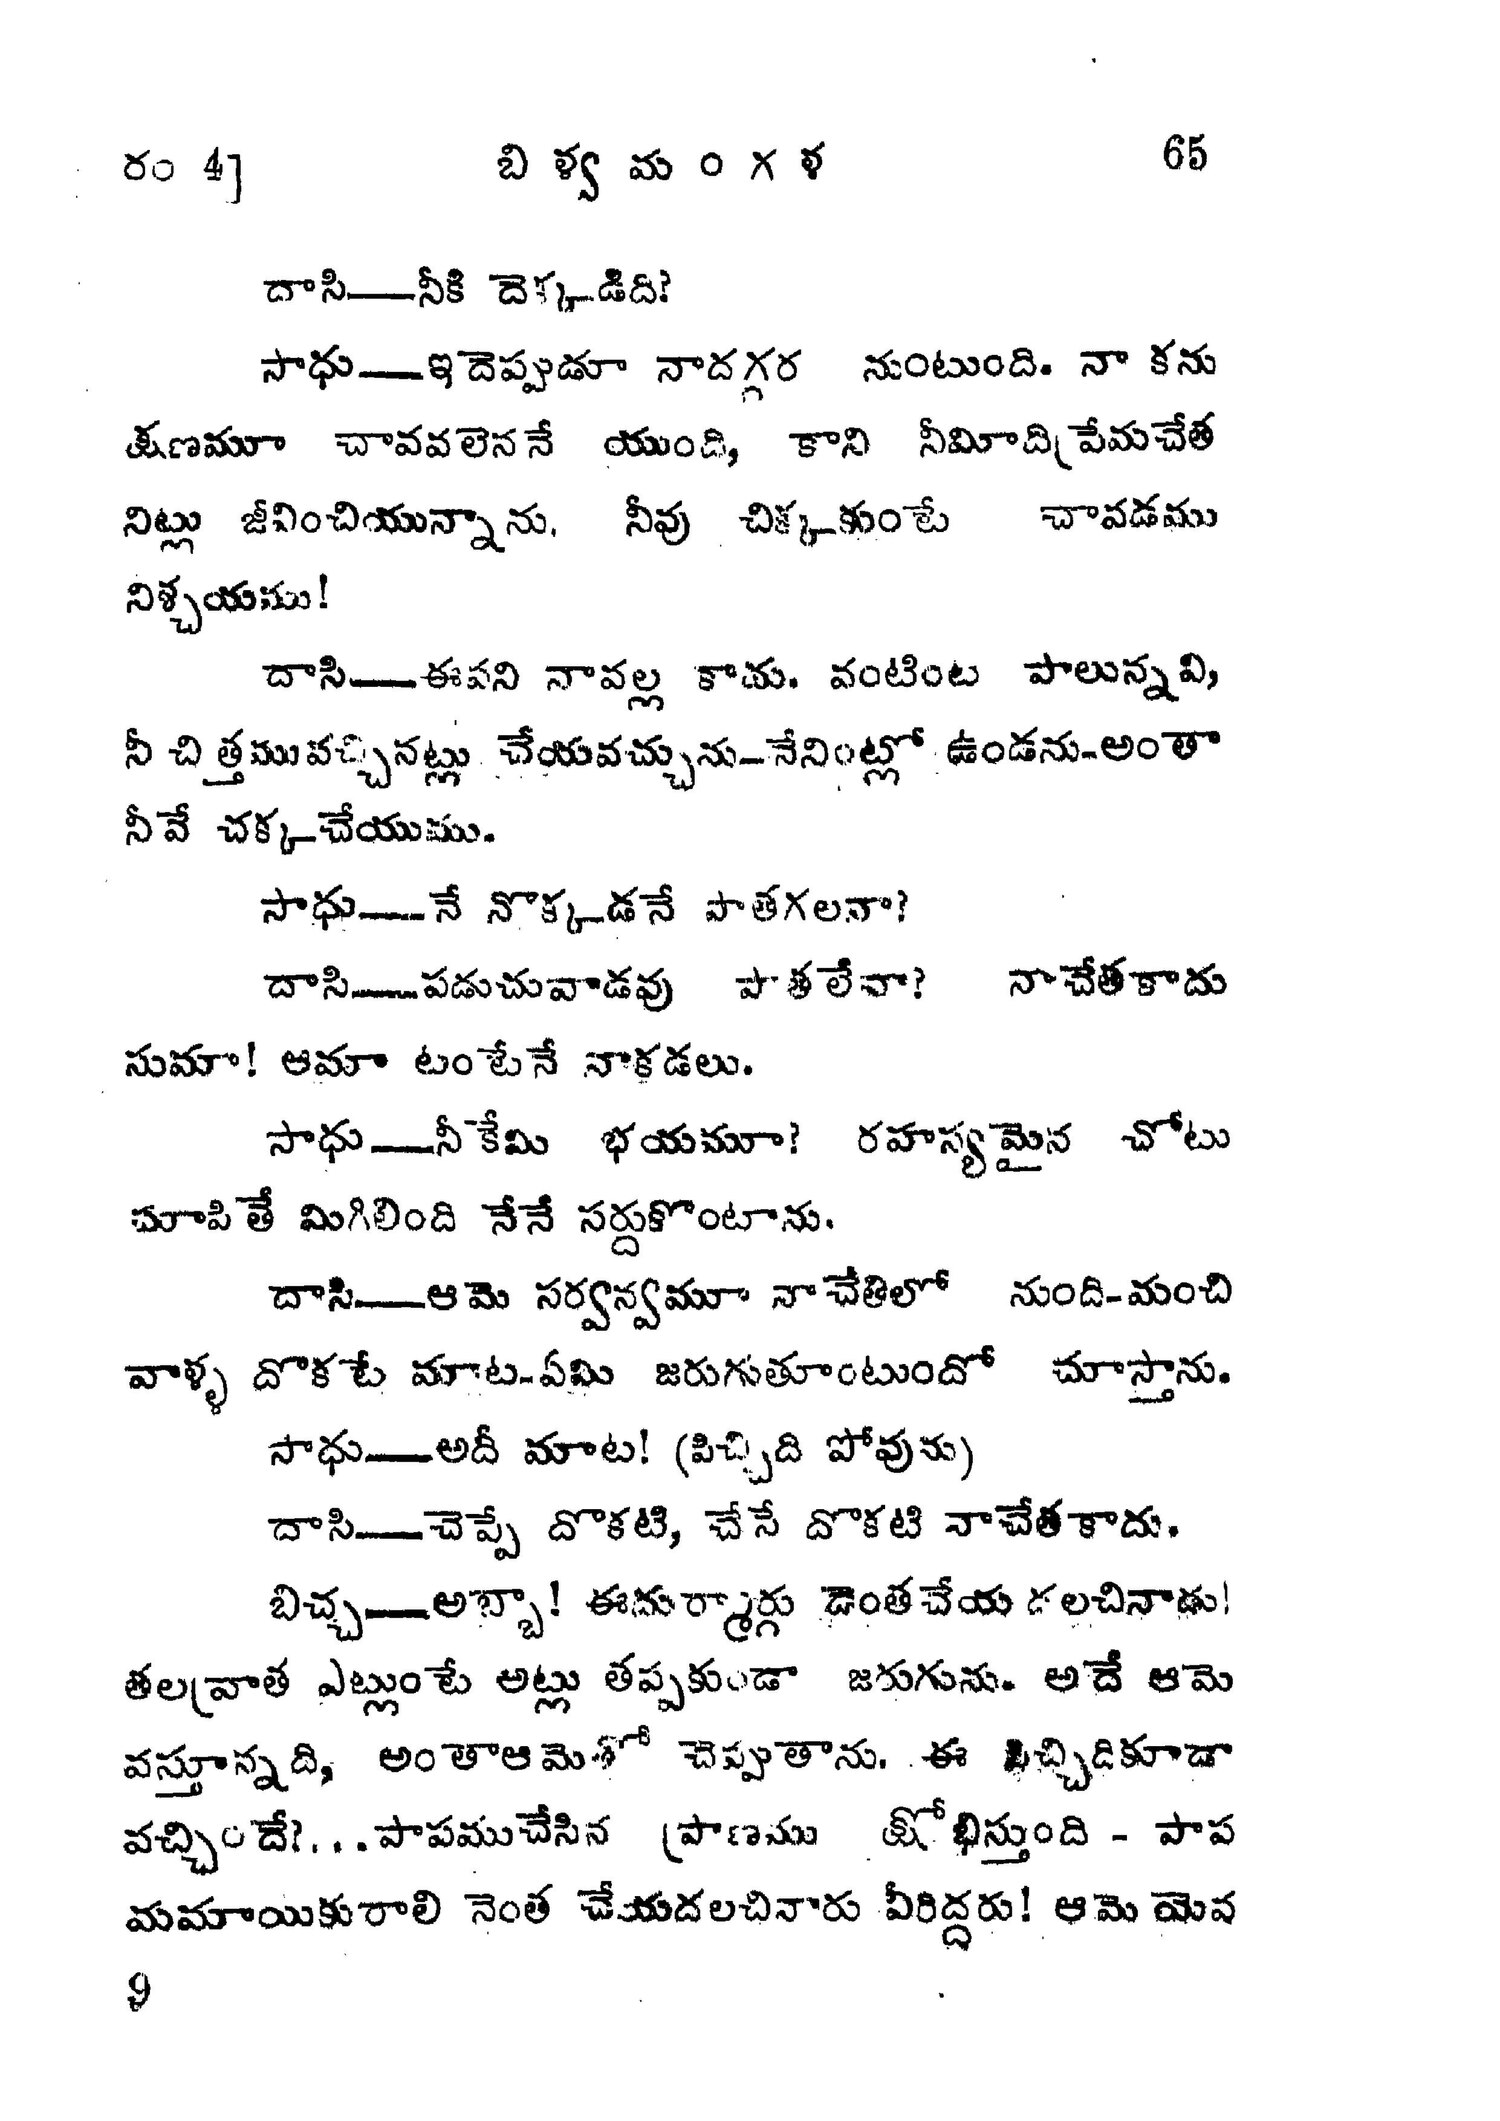దాసి - నీకి దెక్కడిది?

సాధు - ఇదెప్పుడూ నాదగ్గర నుంటుంది. నా కనుక్షణమూ చావవలెననే యుంది, కాని నీమీదిప్రేమచేత నిట్లు జీవించియున్నాను. నీవు చిక్కకుంటే చావడము నిశ్చయము!

దాసి - ఈపని నావల్ల కాదు. వంటింట పాలున్నవి, నీ చిత్తమువచ్చినట్లు చేయవచ్చును-నేనింట్లో ఉండను-అంతా నీవే చక్కచేయుము.

సాధు - నే నొక్కడనే పాతగలనా?

దాసి - పడుచువాడవు పాతలేవా? నాచేతకాదు సుమా! ఆమా టంటేనే నాకడలు.

సాధు - నీకేమి భయమూ? రహస్యమైన చోటు చూపితే మిగిలింది నేనే సర్దుకొంటాను.

దాసి - ఆమె సర్వస్వమూ నాచేతిలో నుంది-మంచి వాళ్ళ దొకటే మాట-ఏమి జరుగుతూంటుందో చూస్తాను.

సాధు - అదీ మాట! (పిచ్చిది పోవును)

దాసి - చెప్పే దొకటి, చేసే దొకటి నాచేతకాదు.

బిచ్చ - అభ్భా! ఈదుర్మార్గు డెంతచేయ దలచినాడు! తలవ్రాత ఎట్లుండే అట్లు తప్పకుండా జరుగును. అదే ఆమె వస్తూన్నది, అంతాఆమెతో చెప్పుతాను. ఈ పిచ్చిదికూడా వచ్చిందే?... పాపముచేసిన ప్రాణము క్షోభిస్తుంది - పాప మమాయికురాలి నెంత చేయదలచినారు వీరిద్దరు! ఆమె యెవ